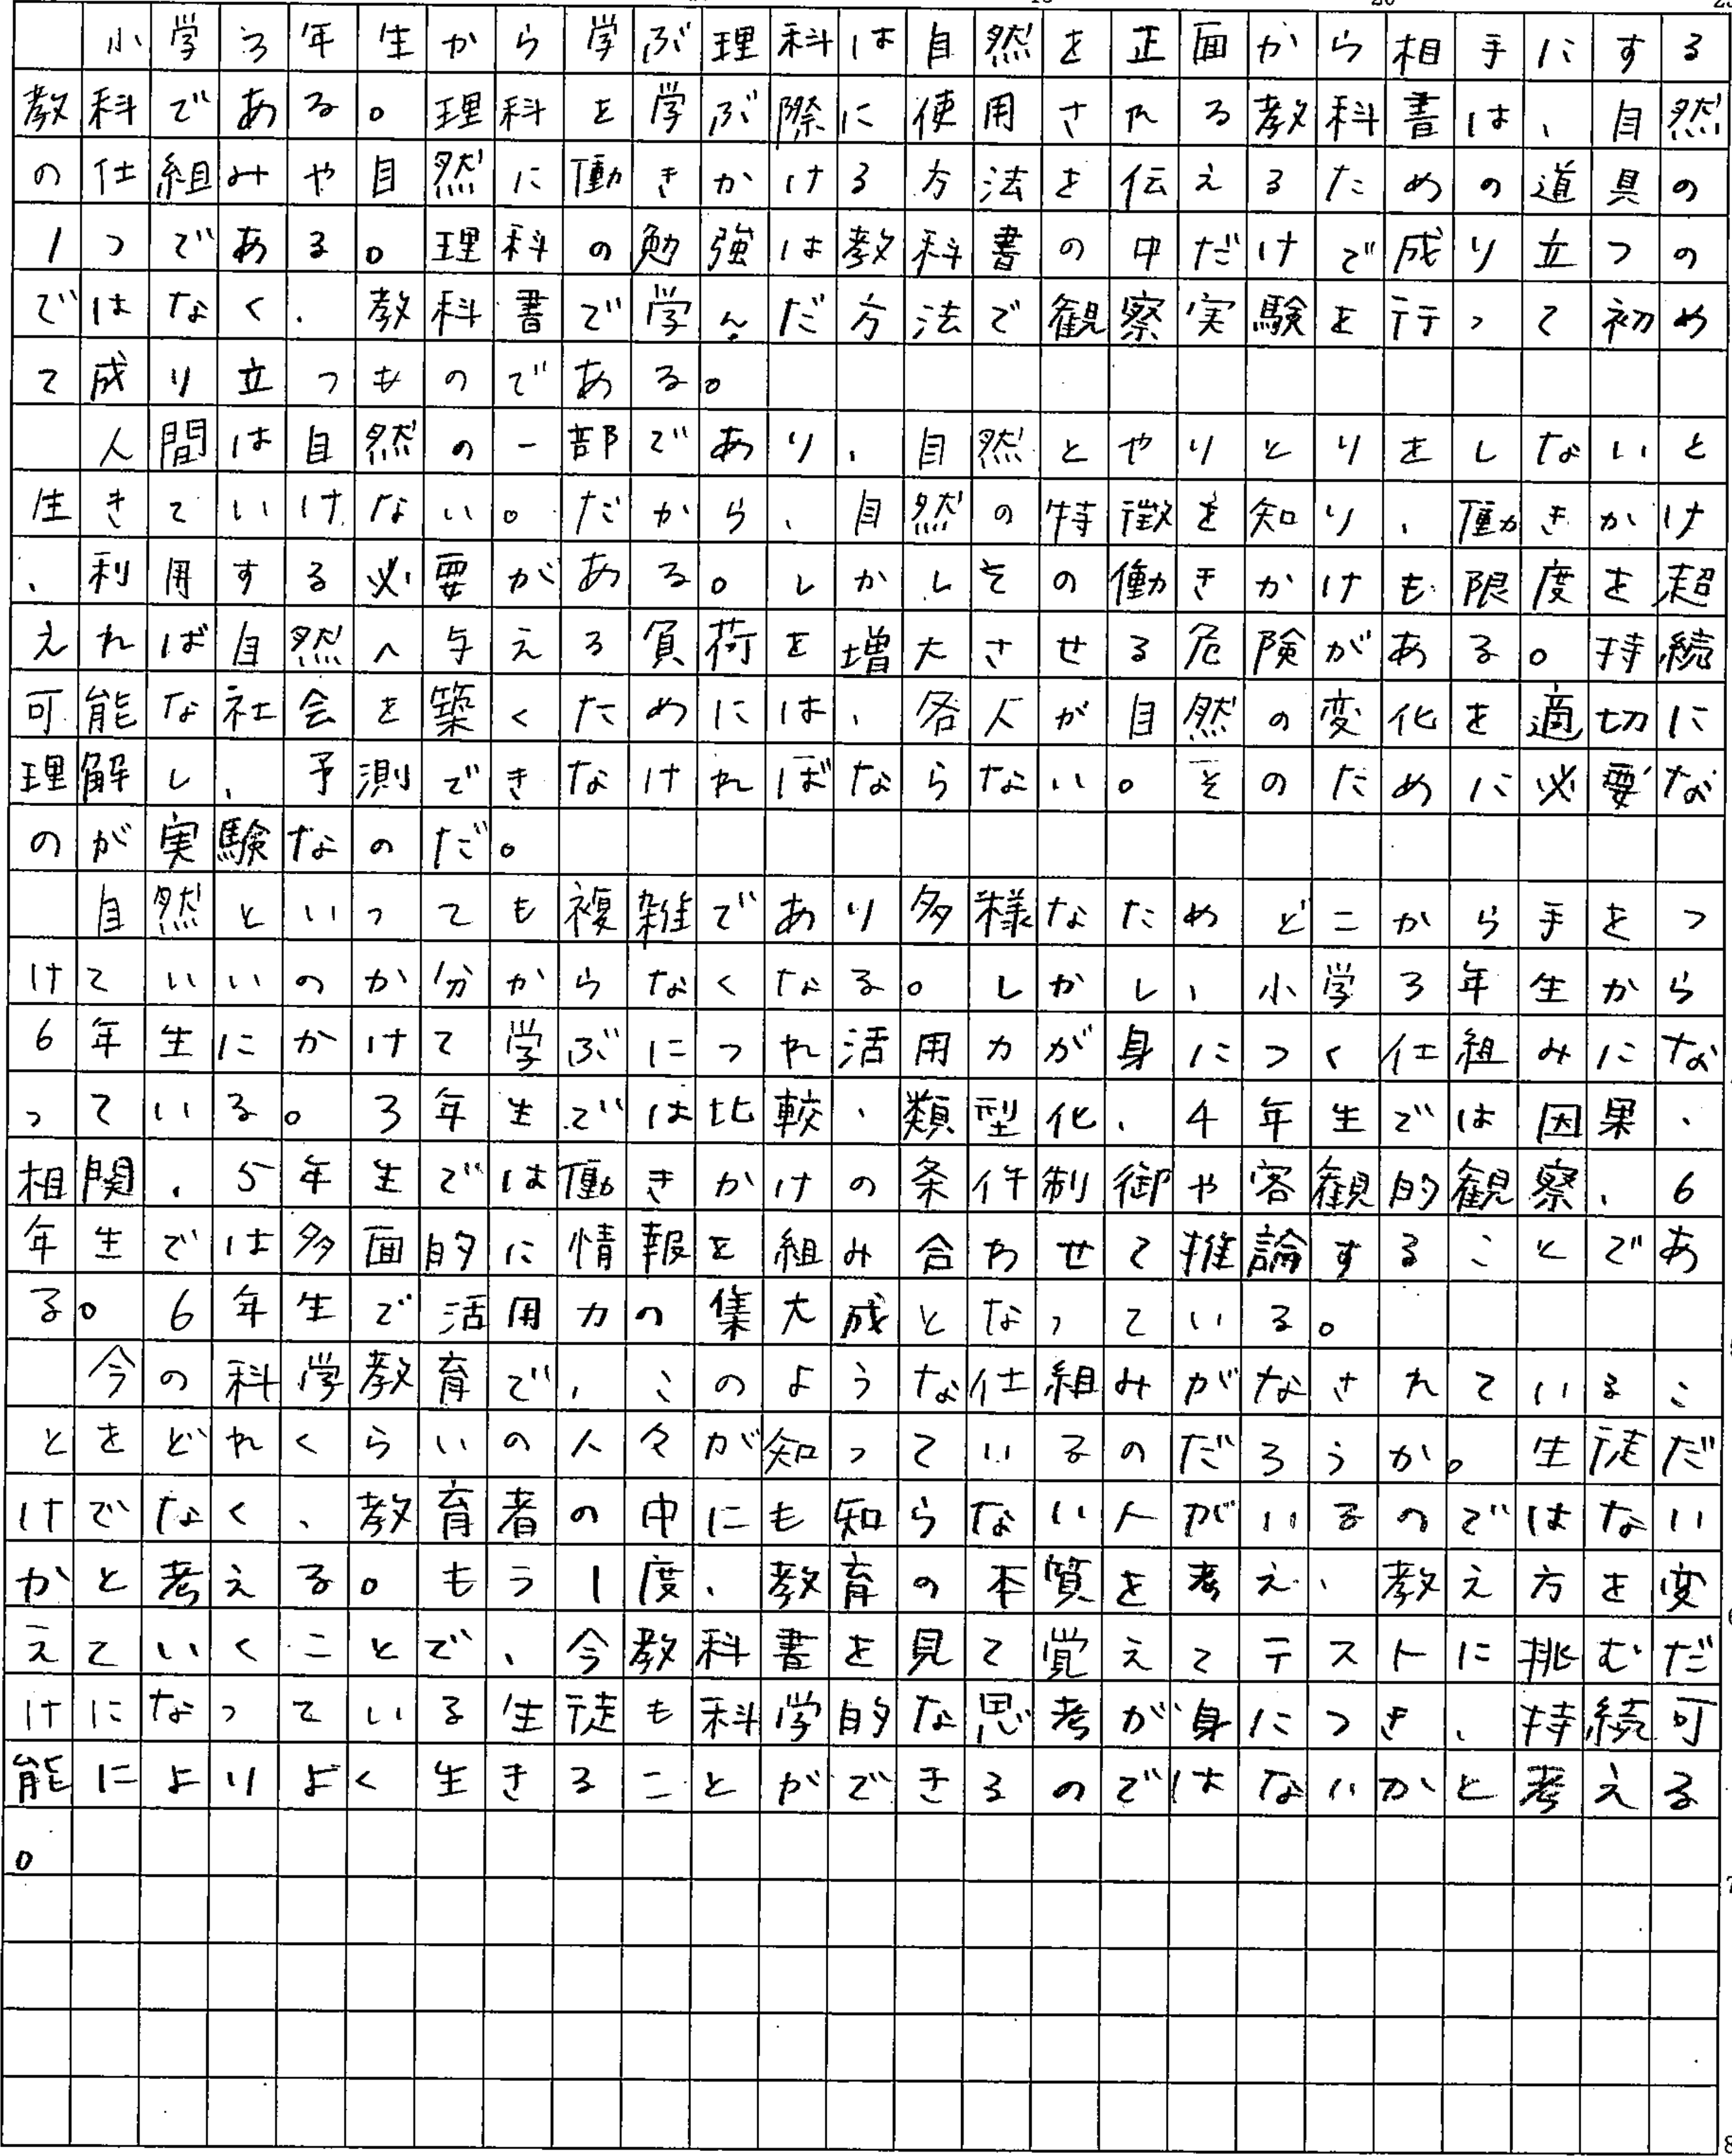　小学３年生から学ぶ理科は自然を正面から相手にする教科である。理科を学ぶ際に使用される教科書は、自然の仕組みや自然に働きかける方法を伝えるための道具の１つである。理科の勉強は教科書の中だけで成り立つのではなく、教科書で学んだ方法で観察実験を行って初めて成り立つものである。
　人間は自然の一部であり、自然とやりとりをしないと生きていけない。だから、自然の特徴を知り、働きかけ、利用する必要がある。しかしその働きかけも限度を超えれば自然へ与える負荷を増大させる危険がある。持続可能な社会を築くためには、各人が自然の変化を適切に理解し、予測できなければならない。そのために必要なのが実験なのだ。
　自然といっても複雑であり多様なためどこから手をつけていいのか分からなくなる。しかし、小学３年生から６年生にかけて学ぶにつれ活用力が身につく仕組みになっている。３年生では比較・類型化、４年生では因果・相関、５年生では働きかけの条件制御や客観的観察、６年生では多面的に情報を組み合わせて推論することである。６年生で活用力の集大成となっている。
　今の科学教育で、このような仕組みがなされていることをどれくらいの人々が知っているのだろうか。生徒だけでなく、教育者の中にも知らない人がいるのではないかと考える。もう１度、教育の本質を考え、教え方を変えていくことで、今教科書を見て覚えてテストに挑むだけになっている生徒も科学的な思考が身につき、持続可能によりよく生きることができるのではないかと考える。
